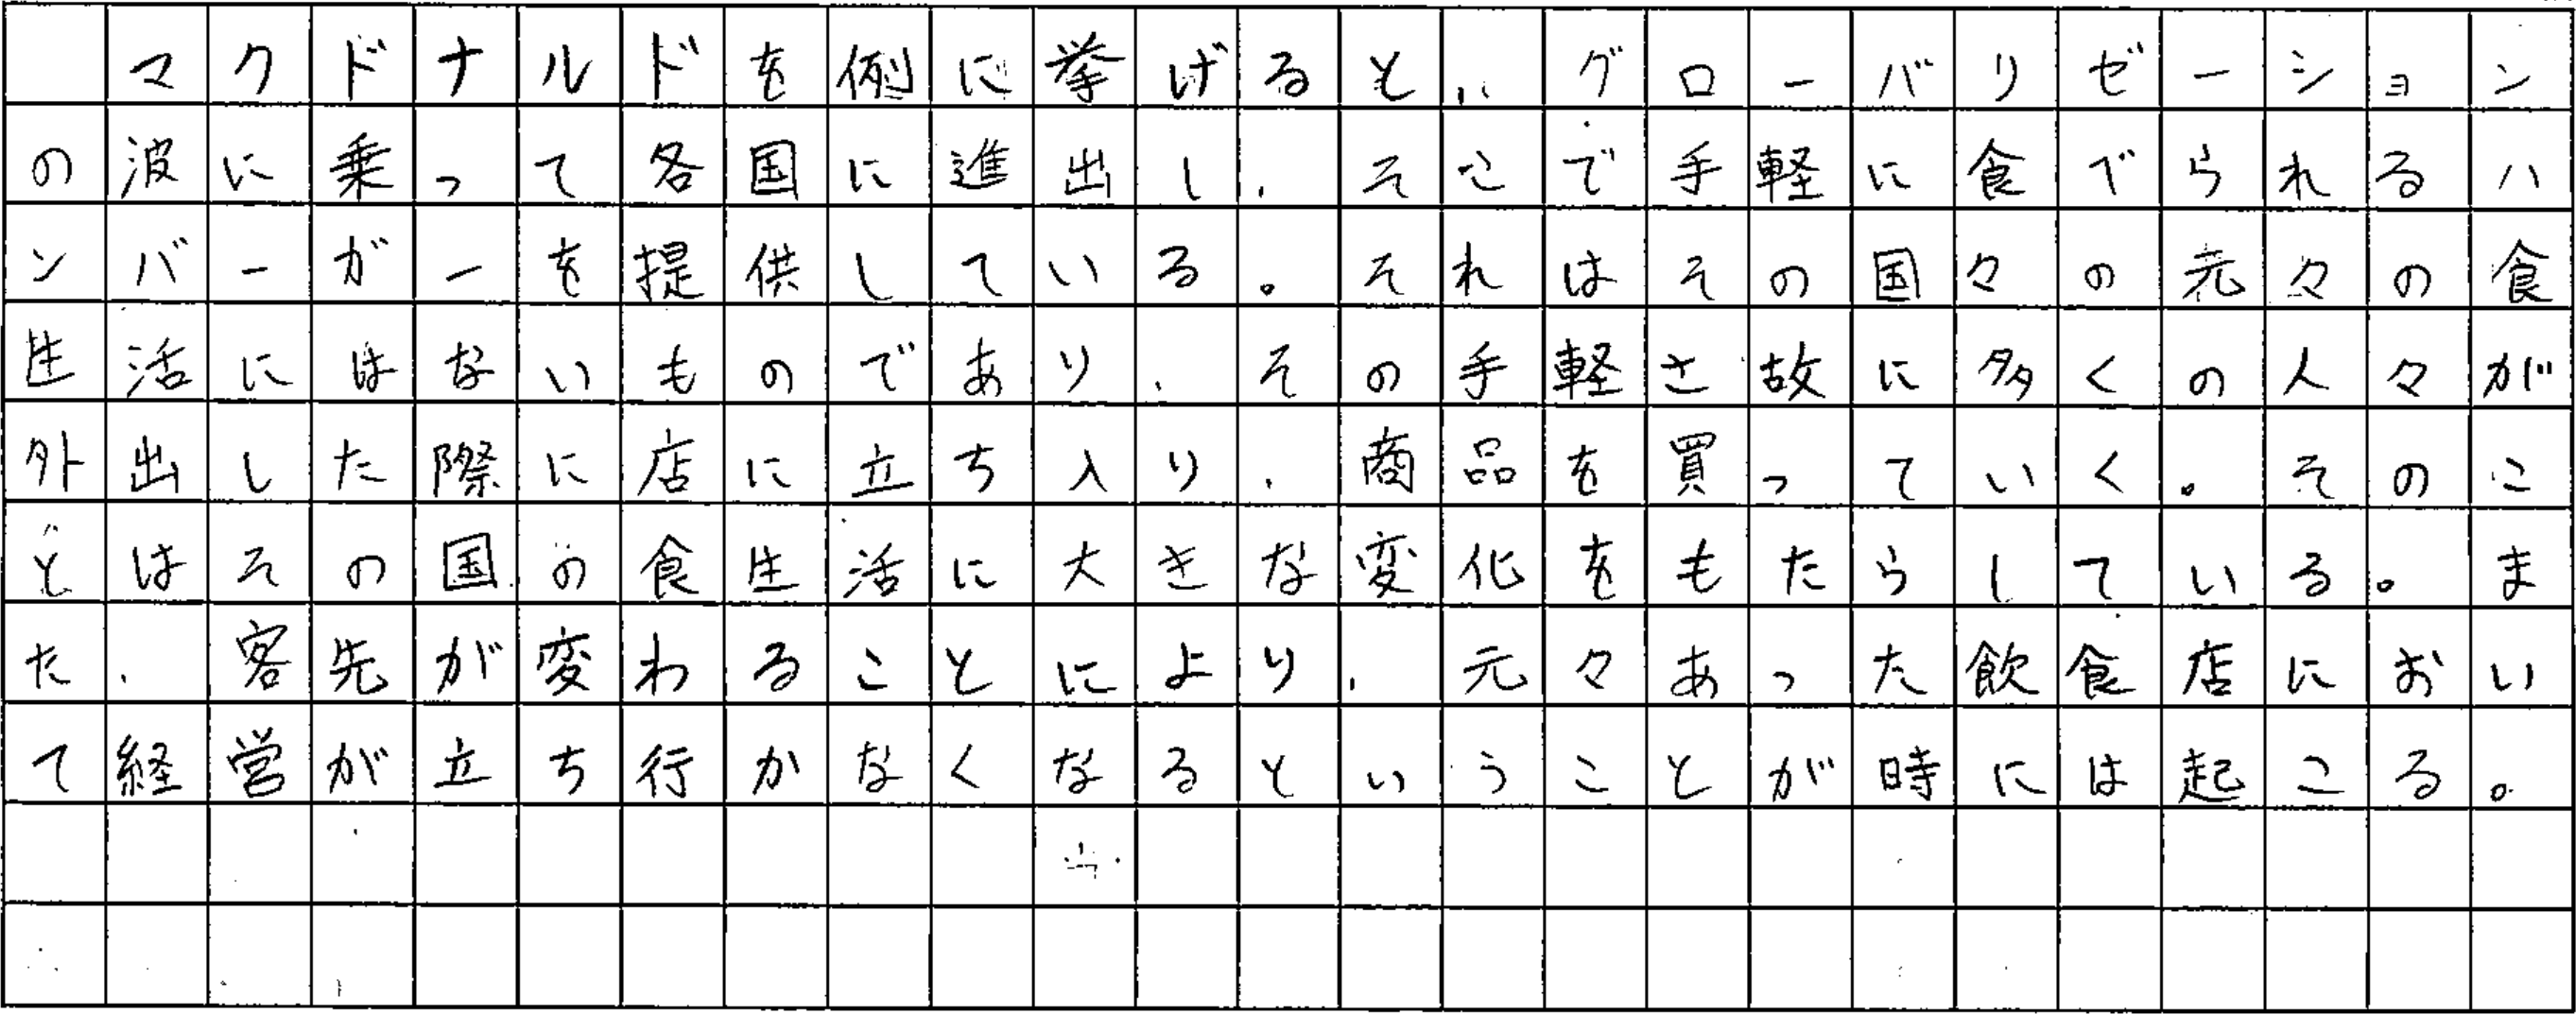　マクドナルドを例に挙げると、グローバリゼーションの波に乗って各国に進出し、そこで手軽に食べられるハンバーガーを提供している。それはその国々の元々の食生活にはないものであり、その手軽さ故に多くの人々が外出した際に店に立ち入り、商品を買っていく。そのことはその国の食生活に大きな変化をもたらしている。また、客先が変わることにより、元々あった飲食店において経営が立ち行かなくなるということが時には起こる。
